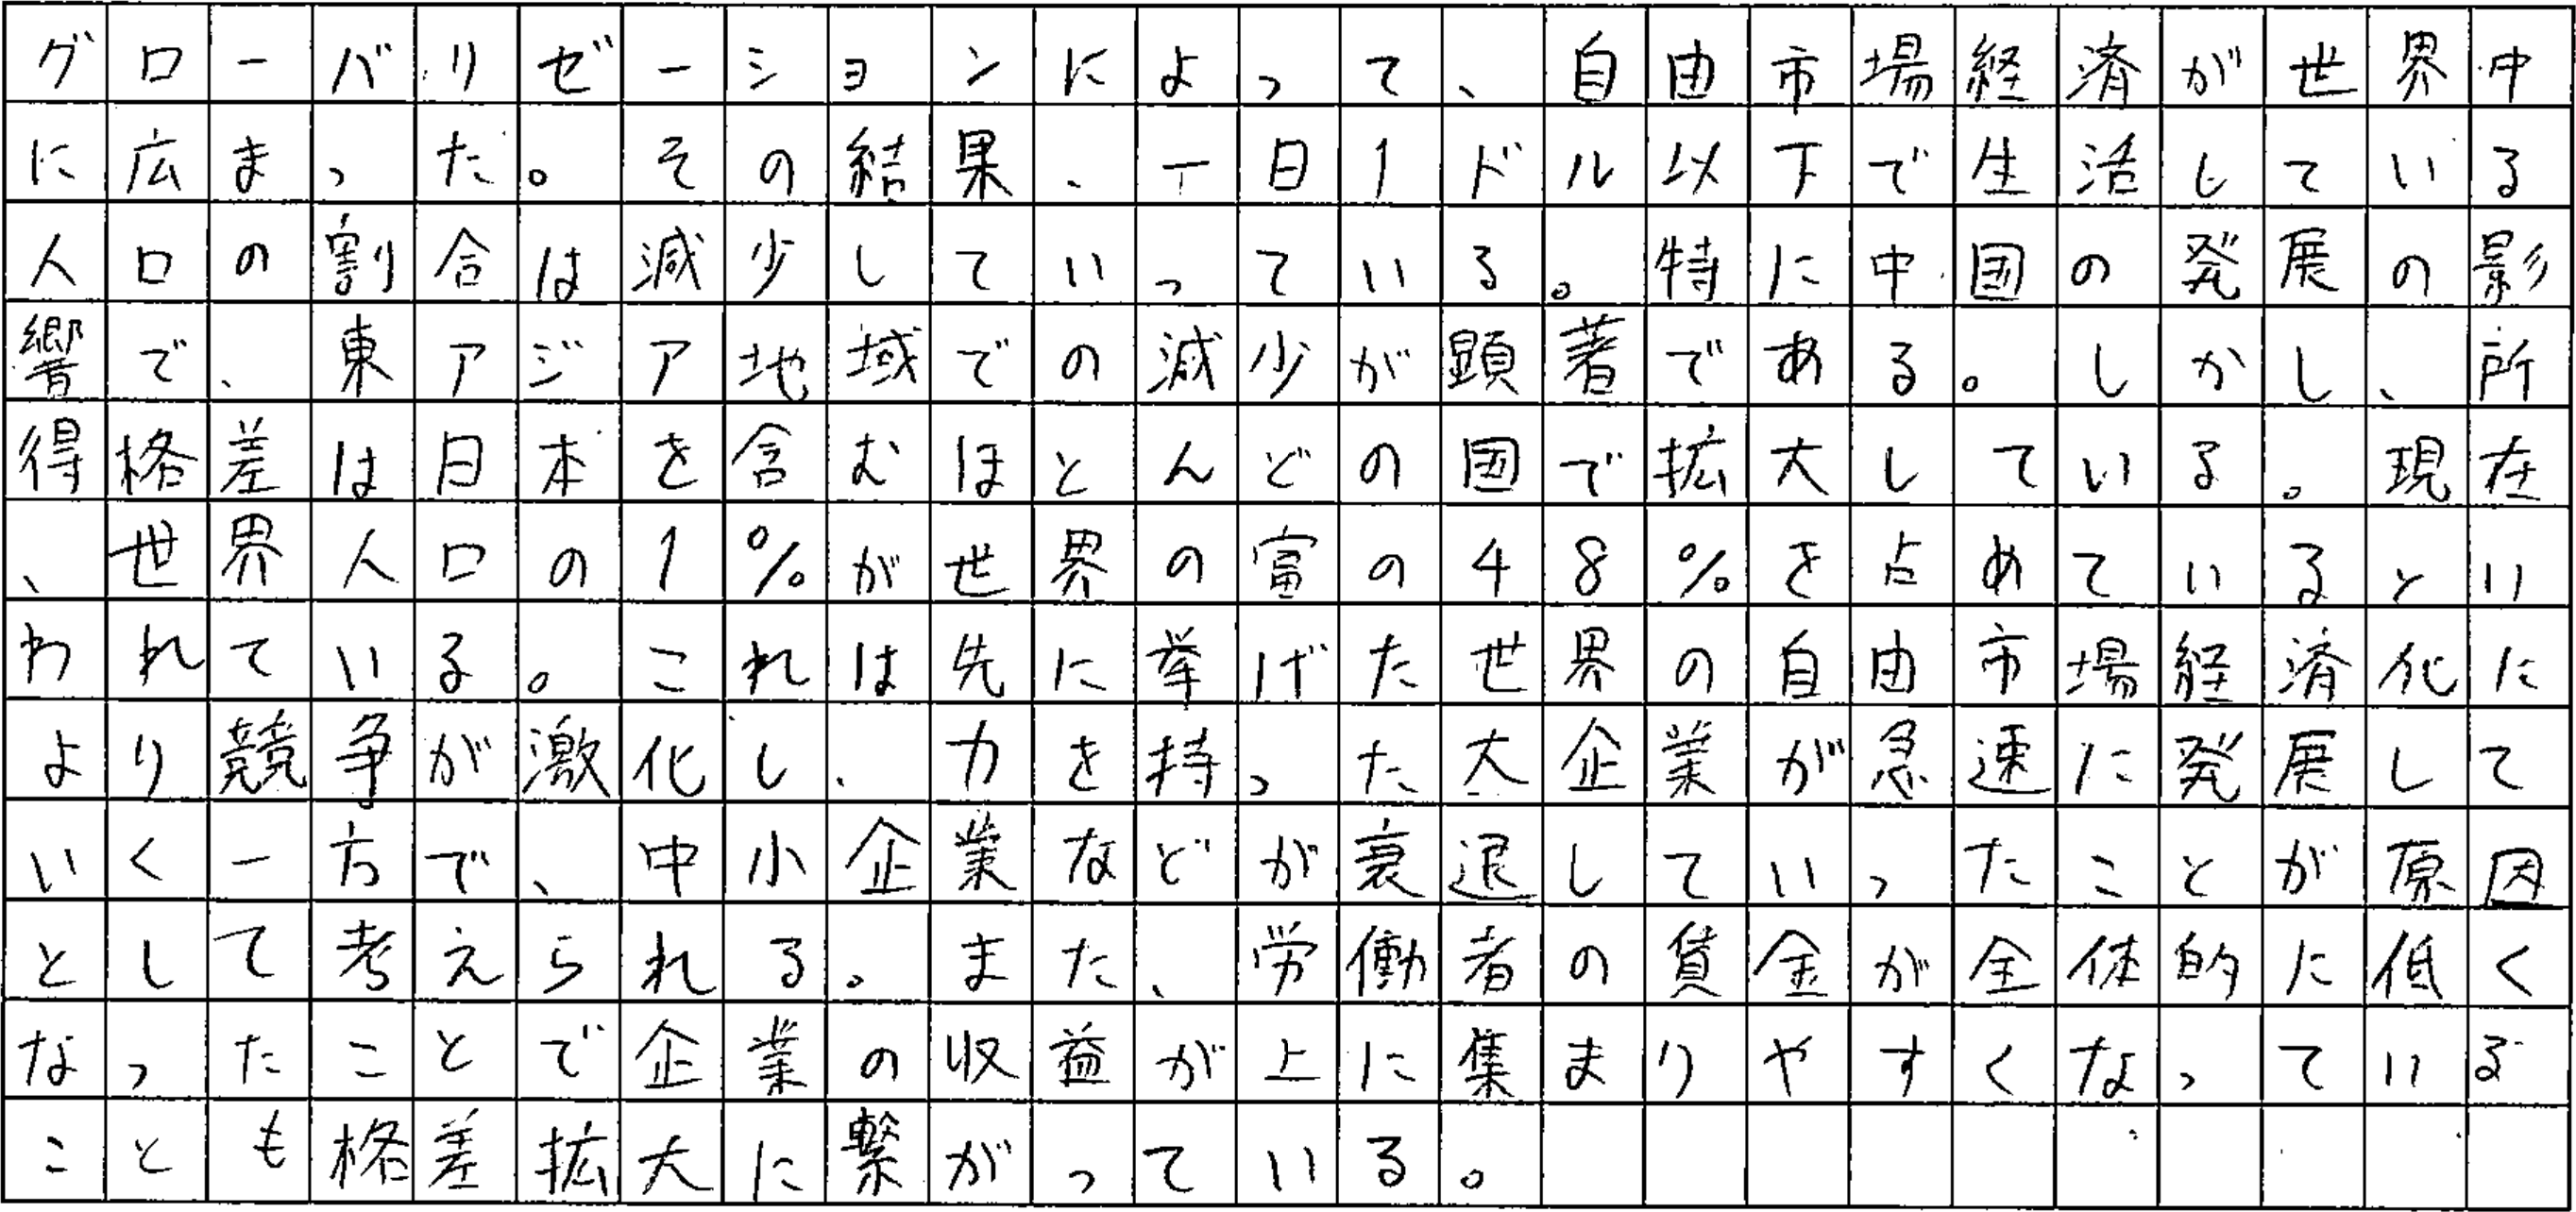グローバリゼーションによって、自由市場経済が世界中に広まった。その結果、一日１ドル以下で生活している人口の割合は減少していっている。特に中国の発展の影響で、東アジア地域での減少が顕著である。しかし、所得格差は日本を含むほとんどの国で拡大している。現在、世界人口の１％が世界の富の４８％を占めているといわれている。これは先に挙げた世界の自由市場経済化により競争が激化し、力を持った大企業が急速に発展していく一方で、中小企業などが衰退していったことが原因として考えられる。また、労働者の賃金が全体的に低くなったことで企業の収益が上に集まりやすくなっていることも格差拡大に繋がっている。
